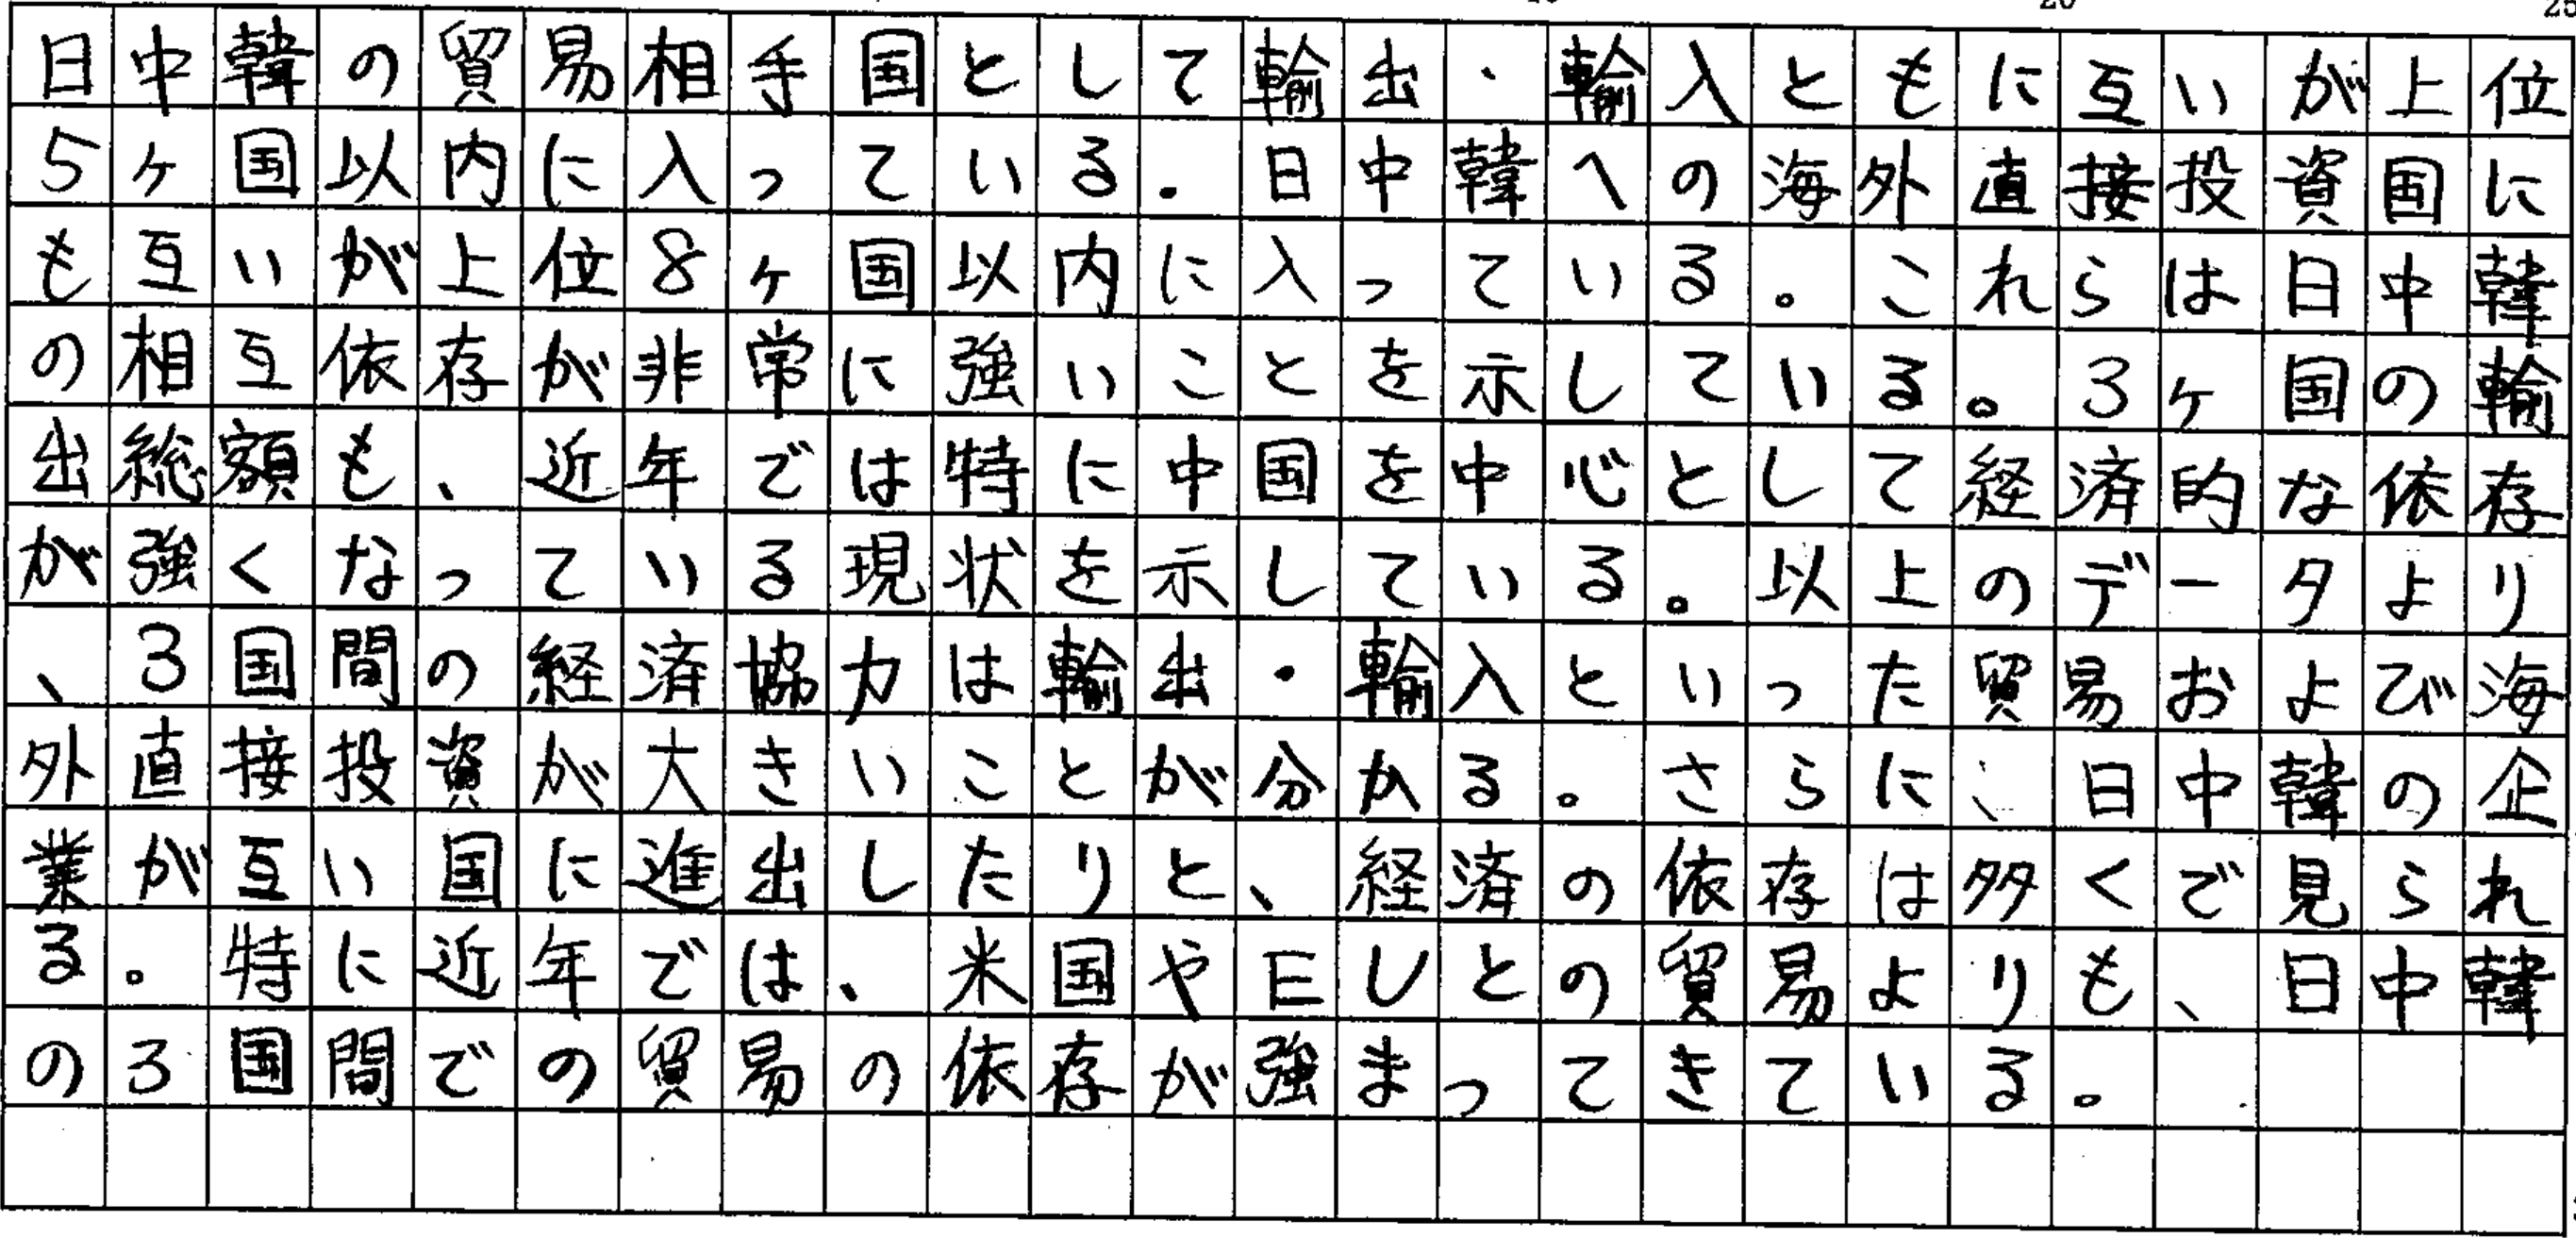日中韓の貿易相手国として輸出・輸入ともに互いが上位５ヶ国以内に入っている。日中韓への海外直接投資国にも互いが上位８ヶ国以内に入っている。これらは日中韓の相互依存が非常に強いことを示している。３ヶ国の輸出総額も、近年では特に中国を中心として経済的な依存が強くなっている現状を示している。以上のデータより、３国間の経済協力は輸出・輸入といった貿易および海外直接投資が大きいことが分かる。さらに、日中韓の企業が互い国に進出したりと、経済の依存は多くで見られる。特に近年では、米国やＥＵとの貿易よりも、日中韓の３国間での貿易の依存が強まってきている。
